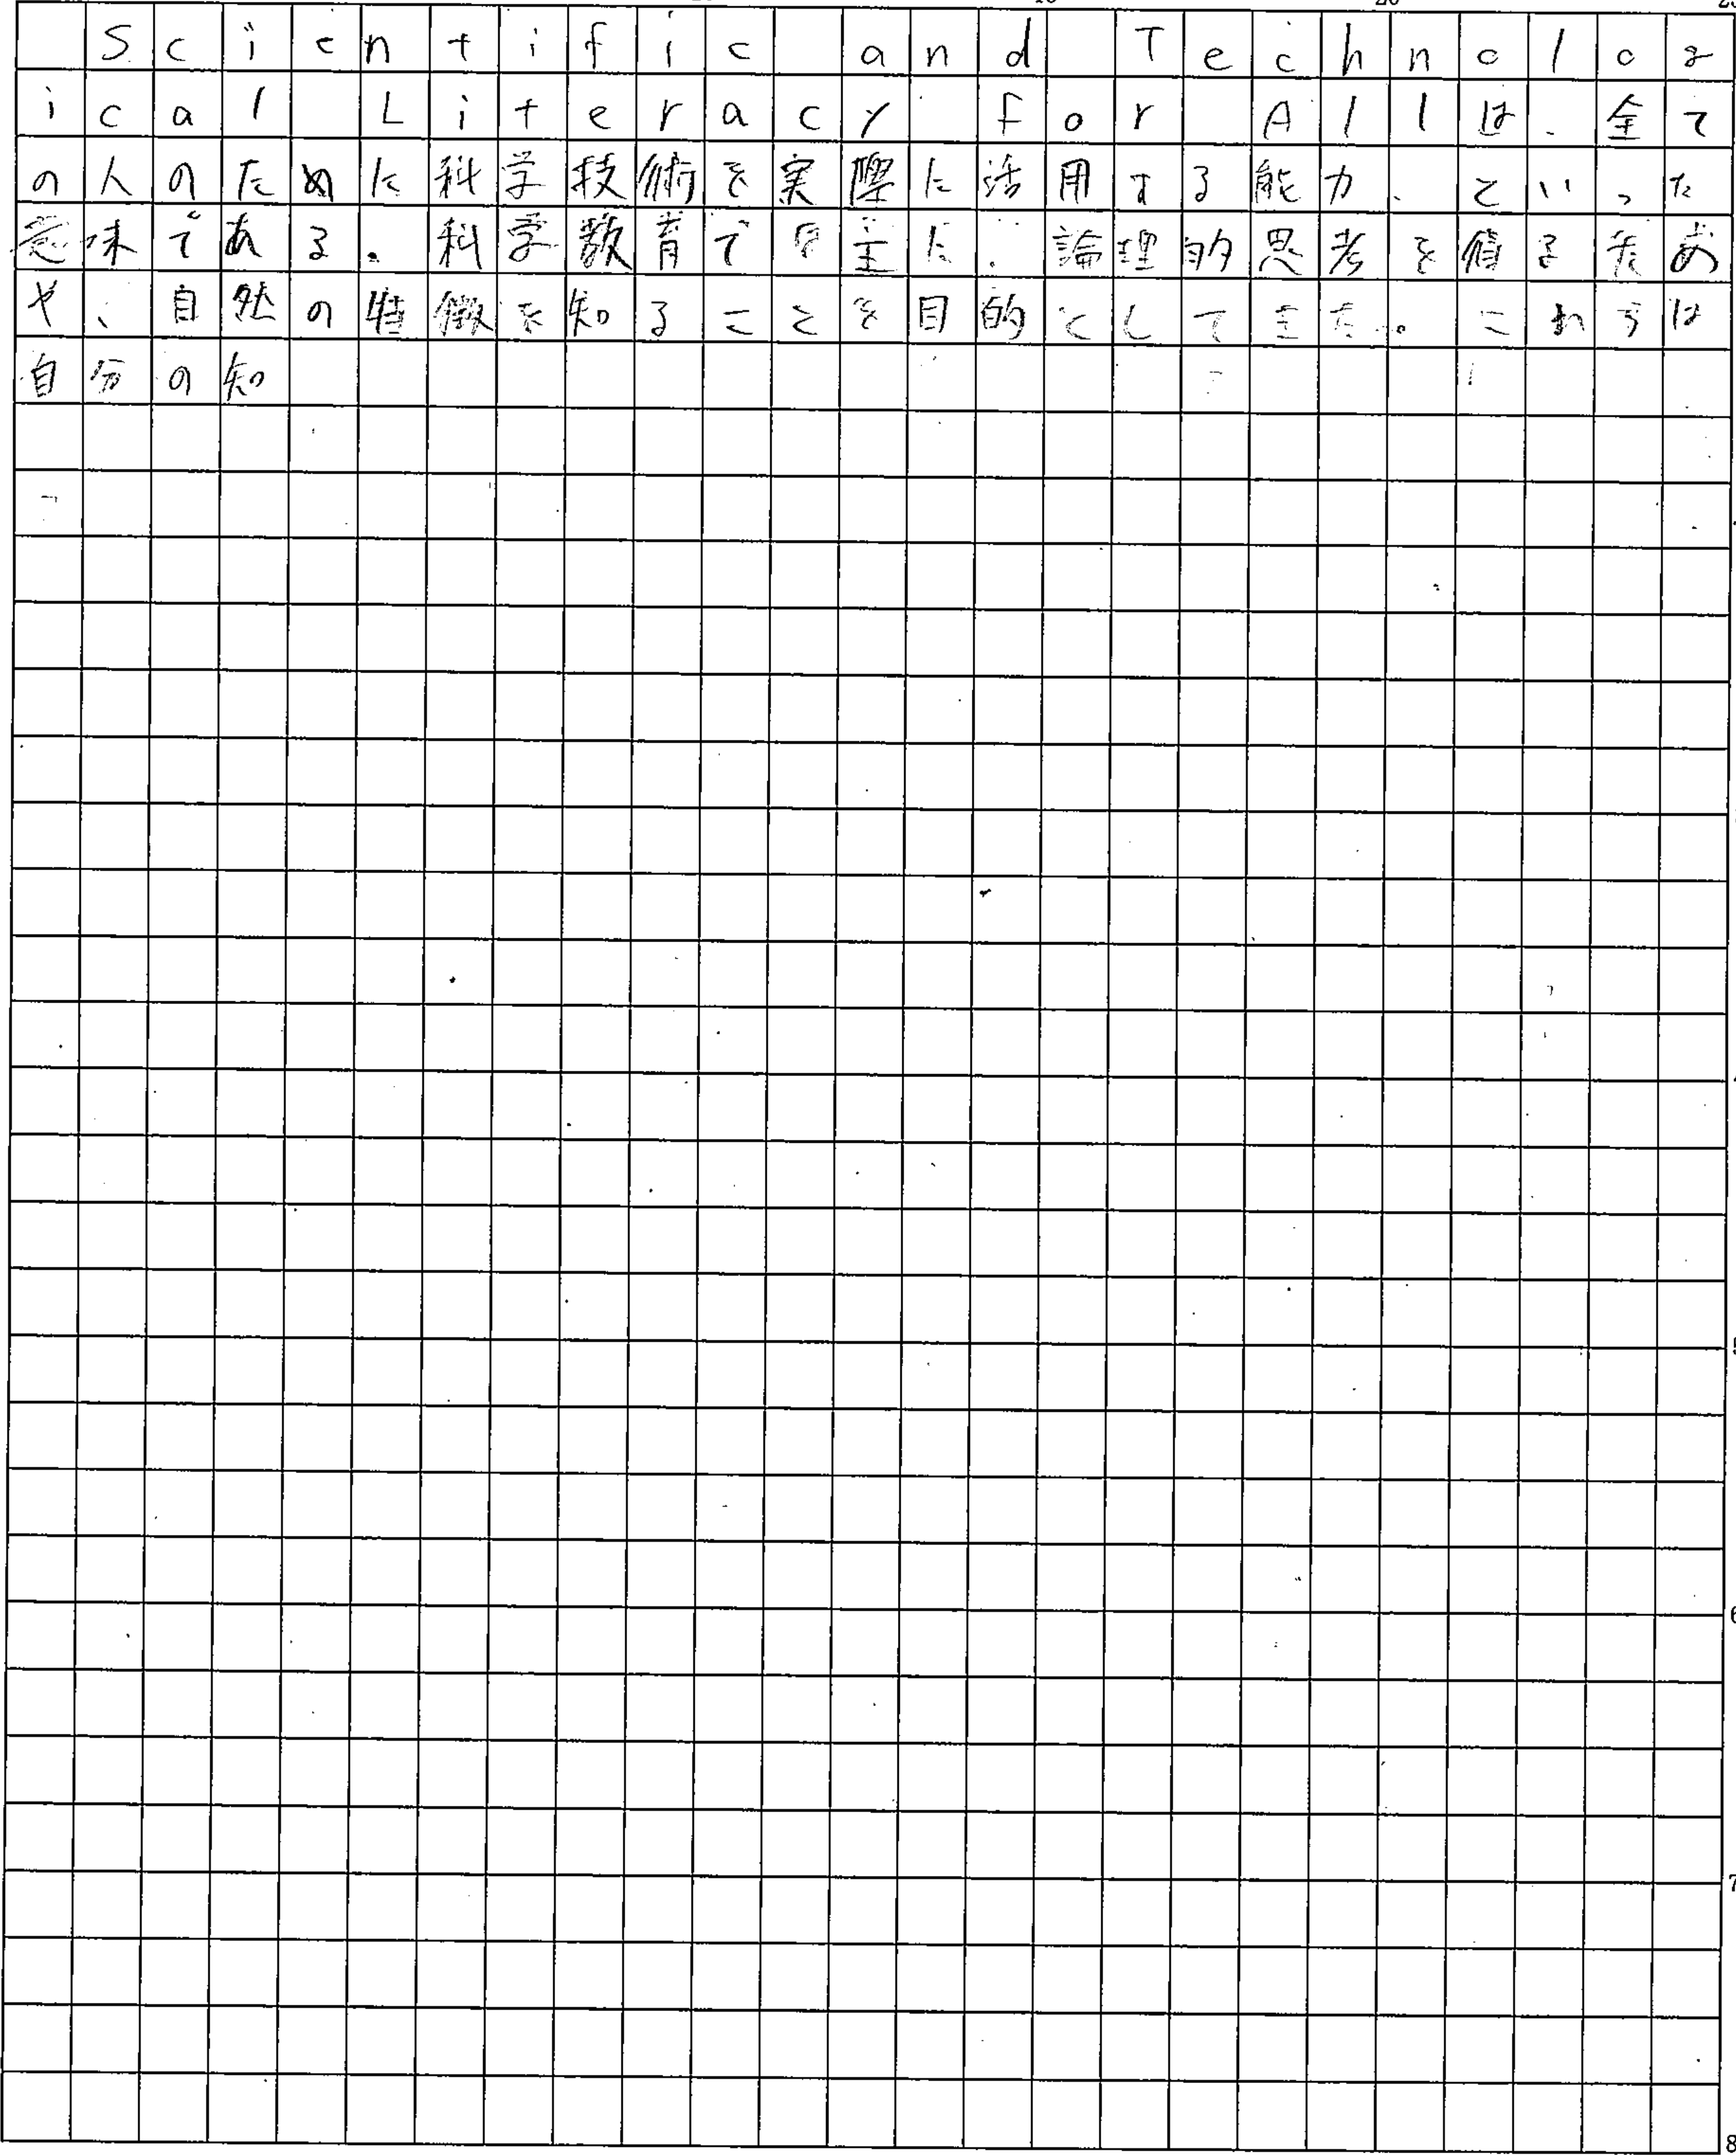　Ｓｃｉｅｎｔｉｆｉｃ　ａｎｄ　Ｔｅｃｈｎｏｌｏｇｉｃａｌ　Ｌｉｔｅｒａｃｙ　ｆｏｒ　Ａｌｌは、全ての人のために科学技術を実際に活用する能力、といった意味である。科学教育では主に、論理的思考を得るためや、自然の特徴を知ることを目的としてきた。これらは自分の知
